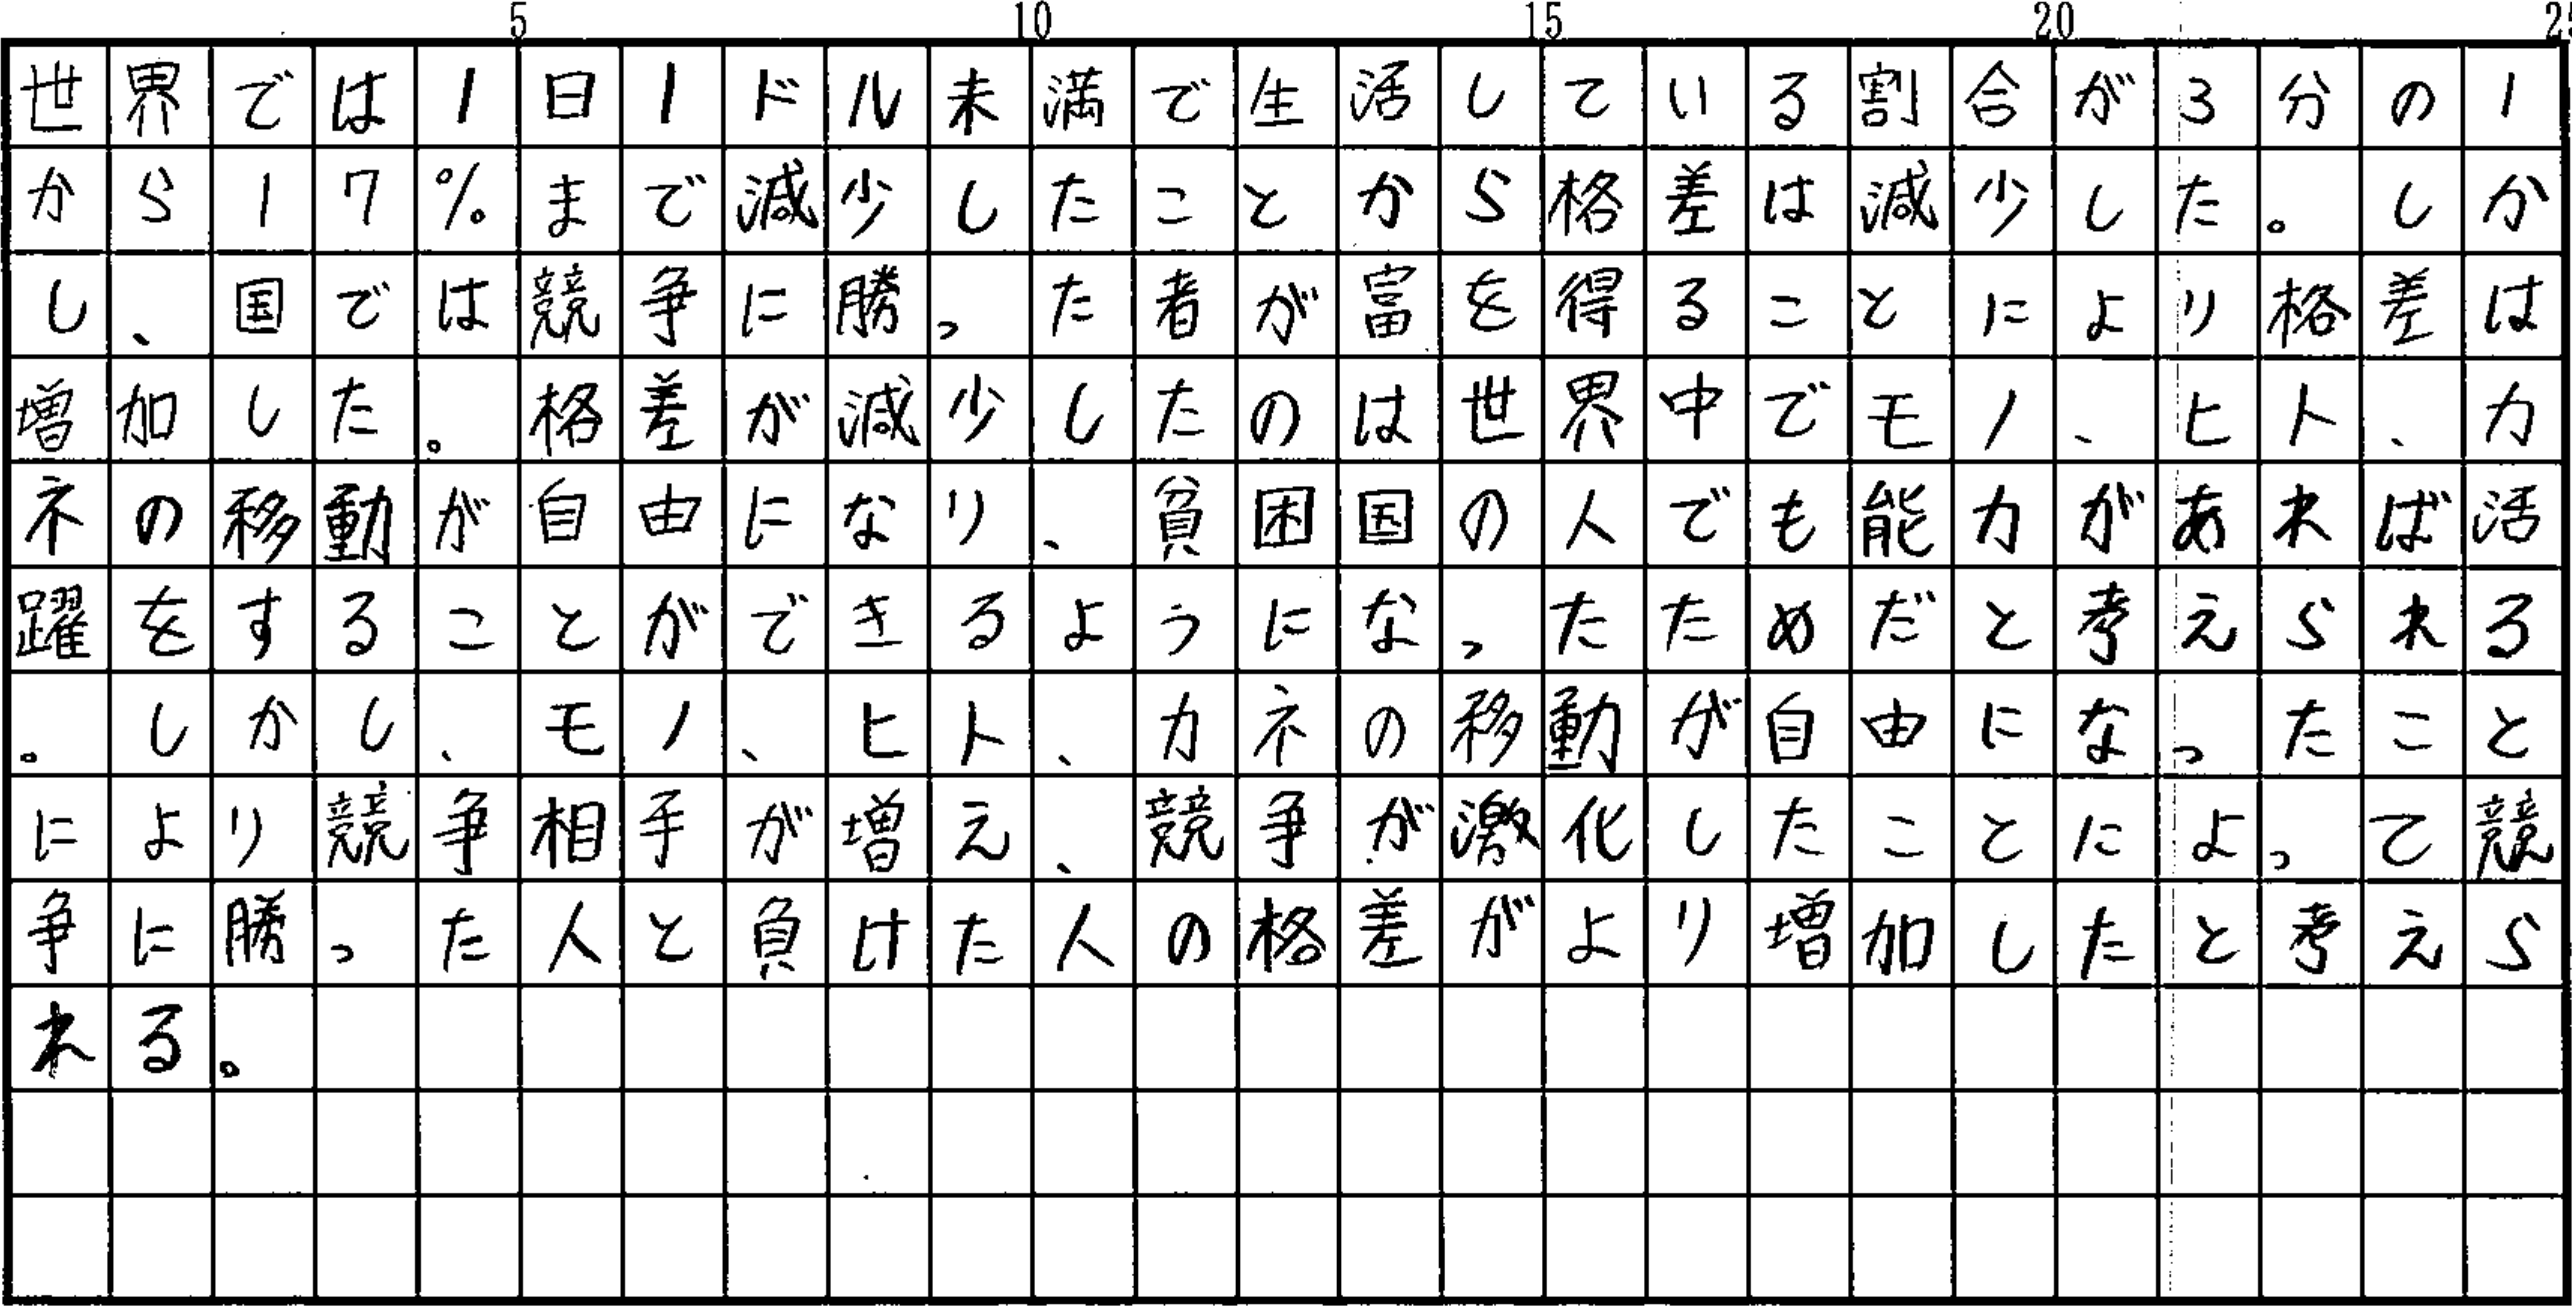世界では１日１ドル未満で生活している割合が３分の１から１７％まで減少したことから格差は減少した。しかし、国では競争に勝った者が富を得ることにより格差は増加した。格差が減少したのは世界中でモノ、ヒト、カネの移動が自由になり、貧困国の人でも能力があれば活躍をすることができるようになったためだと考えられる。しかし、モノ、ヒト、カネの移動が自由になったことにより競争相手が増え、競争が激化したことによって競争に勝った人と負けた人の格差がより増加したと考えられる。
